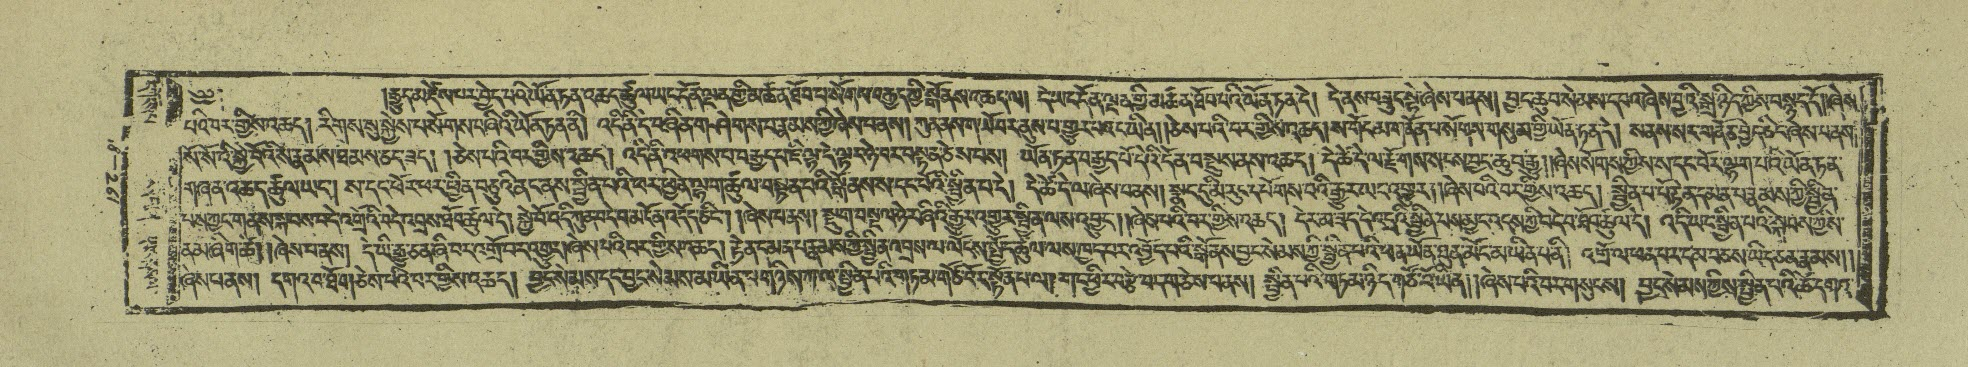༄༅། །རྒྱུད་མཛེས་པར་བྱེད་པའི་ཡོན་ཏན་འཆད་ཚུལ་ཡང་དོན་ལྡན་གྱི་མཚན་ཐོབ་པ་སོགས་བརྒྱད་ཀྱི་སྒོ་ནས་འཆད་ལ། དེ་ཡང་དོན་ལྡན་གྱི་མཚན་ཐོབ་པའི་ཡོན་ཏན་དེ། དེ་ནས་བཟུང་སྟེ་ཞེས་པ་ནས། བྱང་ཆུབ་སེམས་དཔའ་ཞེས་བྱའི་སྒྲ་ཉིད་ཀྱིས་བསྙད་དོ། །ཞེས་
པའི་བར་གྱིས་འཆད། རིགས་སུ་སྐྱེས་པ་སོགས་བཞིའི་ཡོན་ཏན་ནི། འདི་ནི་དེ་བཞིན་གཤེགས་པ་རྣམས་ཀྱི་ཞེས་པ་ནས། ཀུན་ནས་གཡོ་བར་ནུས་པ་གྱུར་པའང་ཡིན། །ཅེས་པའི་བར་གྱིས་འཆད། ས་གོང་མ་གནོན་པ་སོགས་གསུམ་གྱི་ཡོན་ཏན་དེ། ས་ནས་སར་གནོན་བྱེད་ཅིང་ཞེས་པ་ནས།
སོ་སོའི་སྐྱེ་བོའི་ས་རྣམས་ཐམས་ཅད་ཟད། །ཅེས་པའི་བར་གྱིས་འཆད། འདི་ནི་འཕགས་པ་བརྒྱད་པ་ཇི་ལྟ་དེ་ལྟར་ཉེ་བར་བསྟན་ཅེས་པས། ཡོན་ཏན་བརྒྱད་པོ་དེའི་ངོན་བསྡུས་ནས་འཆད། དེ་ཚེ་དེ་ལ་རྫོགས་སངས་བྱང་ཆུབ་རྒྱུ། །ཞེས་སོགས་ཀྱིས་ས་དང་པོར་ལྷག་པའི་ཡོན་ཏན་
གཞན་འཆད་ཚུལ་ཡང་། ས་དང་པོར་ཕར་ཕྱིན་བཅུའི་ནང་ནས་སྦྱིན་པའི་ཕར་ཕྱིན་ལྷག་ཚུལ་བསྟན་པའི་སྒོ་ནས་དང་པོའི་སྦྱིན་པ་དེ། དེ་ཚེ་དེ་ལ་ཞེས་པ་ནས། སྣང་དུ་མི་རུང་དཔོགས་པའི་རྒྱུར་ཡང་འགྱུར། །ཞེས་པའི་བར་གྱིས་འཆད། སྦྱིན་པ་པོ་རྟེན་དམན་པ་རྣམས་ཀྱི་སྦྱིན་
པས་ཀྱང་གནས་སྐབས་བདེ་འགྲོའི་བདེ་འབྲས་ཐོབ་ཚུལ་དེ། སྐྱེ་བོ་འདི་ཀུན་བདེ་བ་མངོན་འདོད་ཅིང་། །ཞེས་པ་ནས། སྡུག་བསྔལ་ཉེར་ཞིའི་རྒྱུར་འགྱུར་སྦྱིན་ལས་འབྱུང་། །ཞེས་པའི་བར་གྱིས་འཆད། དེར་མ་ཟད་དེ་འདྲའི་སྦྱིན་པས་མྱང་འདས་ཀྱི་བདེ་བ་ཐོབ་ཚུལ་དེ། འདི་ཡང་སྦྱིན་པའི་སྐབས་ཀྱིས་
ནམ་ཞིག་ཚེ། །ཞེས་པ་ནས། དེ་ཡི་རྒྱུ་ཅན་ཞི་བར་འགྲོ་བར་འགྱུར། ཞེས་པའི་བར་གྱིས་འཆད། རྟེན་དམན་པ་རྣམས་ཀྱི་སྦྱིན་འབྲས་ལ་ལོངས་སྤྱོད་ཚུལ་ལས་ཁྱད་པར་འབྱོར་བའི་སྒོ་ནས་བྱང་སེམས་ཀྱི་སྦྱིན་པའི་ཕན་ཡོན་ཐུན་མོང་མ་ཡིན་པ་ནི། འགྲོ་ལ་ཕན་བར་དམ་བཅས་ཡིད་ཅན་རྣམས། །
ཞེས་པ་ནས། དགའ་བ་ཐོབ། ཅེས་པའི་བར་གྱིས་འཆད། བྱང་སེམས་དང་བྱང་སེམས་མ་ཡིན་པ་གཉིས་ཀ་ལ་སྦྱིན་པའི་གཏམ་གཙོ་བོར་སྟོན་པ་ལ། གང་ཕྱིར་བརྩེ་བདག་ཅེས་པ་ནས། སྦྱིན་པའི་གཏམ་ཉིད་གཙོ་བོ་ཡིན། །ཞེས་པའི་བར་གསུངས། བྱང་སེམས་ཀྱིས་སྦྱིན་པའི་ཚེ་དགའ་